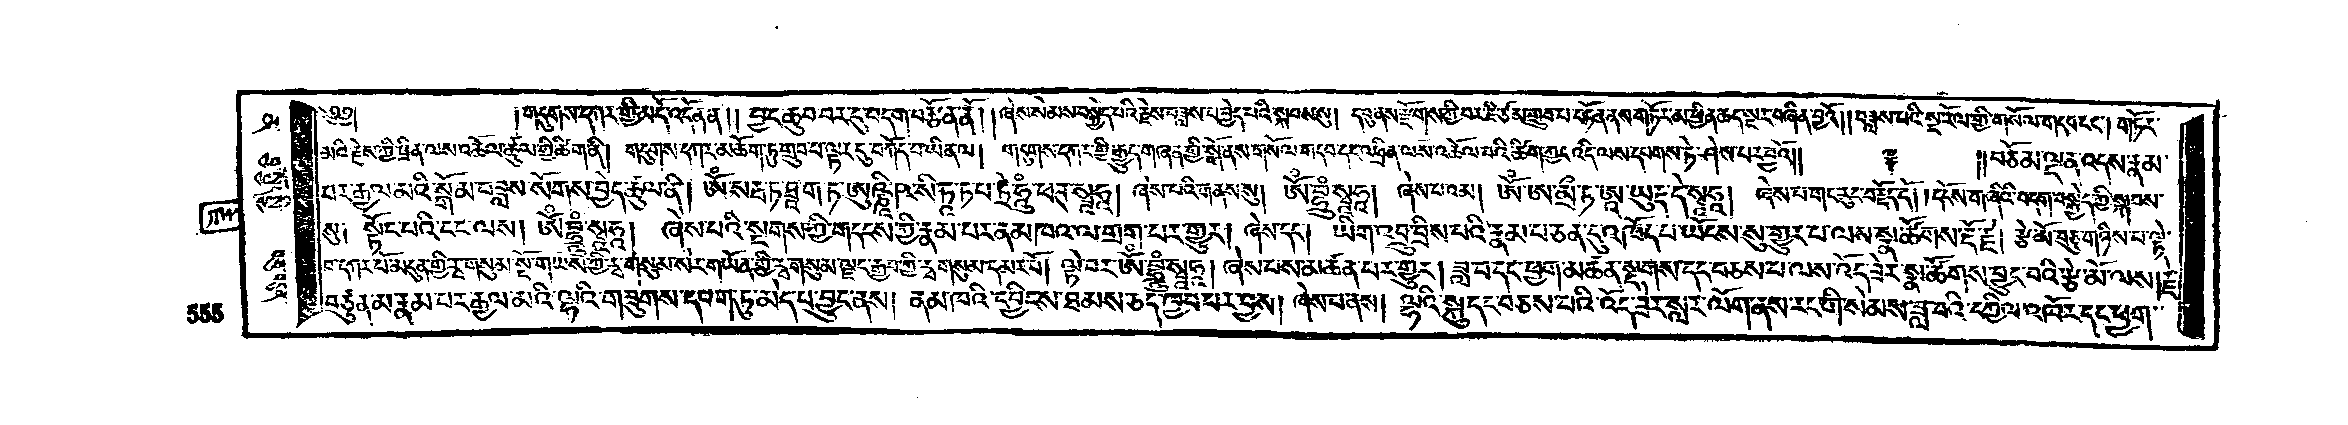༄༅། །གདུགས་དཀར་གྱི་མདོ་འདོན་ན། །བྱང་ཆུབ་བར་དུ་བདག་བརྩོན་ནོ། །ཞེས་སེམས་བསྐྱེད་པའི་རྗེས་བཟླས་པ་བྱེད་པའི་སྐབས་སུ། དབུ་ནས་རྫོགས་ཀྱི་བར་ཇི་ཙམ་གྲུབ་པ་བཏོན་ནས་གཏོར་མ་ཕྱིན་ཆད་སྔར་བཞིན་བྱའོ། །བཟླས་པའི་སྔ་རོལ་གྱི་གསོལ་གདབ་དང་། གཏོར་
མའི་རྗེས་ཀྱི་ཕྲིན་ལས་འཚོལ་ཚུལ་གྱི་ཚིག་ནི། གདུགས་དཀར་མཆོག་ཏུ་གྲུབ་པ་ལྟར་དུ་བཀོད་པ་ཡིན་ལ། གདུགས་དཀར་གྱི་རྒྱུད་གཞན་གྱི་སྒོ་ནས་གསོལ་གདབ་དང་འཕྲིན་ལས་འཆོལ་བའི་ཚིག་ཀྱང་འདི་ལས་དཔགས་ཏེ་ཤེས་པར་བྱའོ།། ༈ །།བཅོམ་ལྡན་འདས་རྣམ་
པར་རྒྱལ་མའི་སྒོམ་བཟླས་སོགས་བྱེད་ཚུལ་ནི། ཨོཾ་སརྦ་ཏ་ཐཱ་ག་ཏ་ཨུཥྞཱི་ཥ་སི་ཏཱ་ཏ་པ་ཏྲེ་ཧཱུཾ་ཕཊ་སྭཱཧཱ། ཞེས་པའི་གནས་སུ། ཨོཾ་བྷྲུཾ་སྭཱཧཱ། ཞེས་པའམ། ཨོཾ་ཨ་མྲྀ་ཏ་ཨཱ་ཡུརྡ་དེ་སྭཱཧཱ། ཞེས་པ་གང་རུང་བརྗོད་དོ། །དངོས་གཞིའི་བདག་བསྐྱེད་ཀྱི་སྐབས་
སུ། སྟོང་པའི་ངང་ལས། ཨོཾ་བྷྲཱུཾ་སྭཱཧཱ། ཞེས་པའི་སྔགས་ཀྱི་གདངས་ཀྱི་རྣམ་པར་ནམ་མཁའ་ལ་གྲག་པར་གྱུར། ཞེས་དང། ཡིག་འབྲུ་བྲིས་པའི་རྣམ་པ་ཅན་དུ་འཁོད་པ་ཡོངས་སུ་གྱུར་པ་ལས་སྣ་ཚོགས་རྡོ་རྗེ། རྩེ་མོ་བཅུ་གཉིས་པ་ལྟེ་
བ་དཀར་པོ་མདུན་གྱི་རྭ་གསུམ་སྔོ་གཡས་ཀྱི་རྭ་གསུམ་སེར་གཡོན་གྱི་རྭ་གསུམ་ལྗང་རྒྱབ་ཀྱི་རྭ་གསུམ་དམར་པོ། ལྟེ་བར་ཨོཾ་བྷྲཱུཾ་སྭཱཧཱ། ཞེས་པས་མཚན་པར་གྱུར། ཟླ་བ་དང་ཕྱག་མཚན་སྔགས་དང་བཅས་པ་ལས་འོད་ཟེར་སྣ་ཚོགས་བྱུང་བའི་རྩེ་མོ་ལས། རྗེ་
བཙུན་མ་རྣམ་པར་རྒྱལ་མའི་ལྷའི་གཟུགས་དཔག་ཏུ་མེད་པ་བྱུང་ནས། ནམ་མཁའི་དབྱིངས་ཐམས་ཅད་ཁྱབ་པར་བྱས། ཞེས་པ་ནས། ལྷའི་སྐུ་དང་བཅས་པའི་འོད་ཟེར་སླར་ལོག་ནས་རང་གི་སེམས་ཟླ་བའི་དཀྱིལ་འཁོར་དང་ཕྱག་